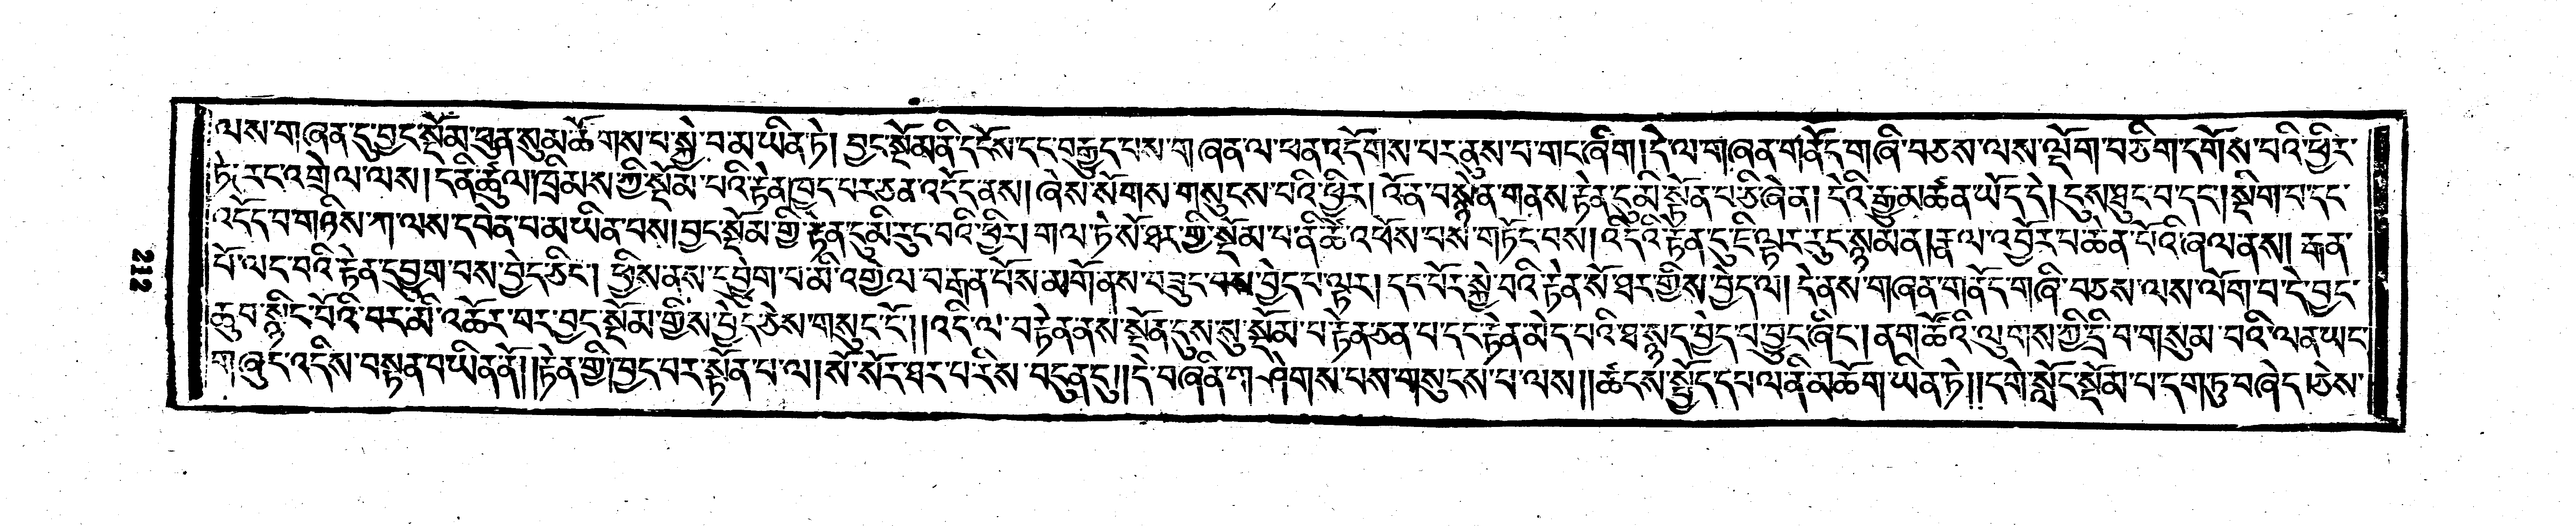ལས་གཞན་དུ་བྱང་སྡོམ་ཕུན་སུམ་ཚོགས་པ་སྐྱེ་བ་མ་ཡིན་ཏེ། བྱང་སྡོམ་ནི་དངོས་དང་བརྒྱུད་པས་གཞན་ལ་ཕན་འདོགས་པར་ནུས་པ་གང་ཞིག །དེ་ལ་གཞན་གནོད་གཞི་བཅས་ལས་ལྡོག་པ་ཅིག་དགོས་པའི་ཕྱིར་
ཏེ། རང་འགྲེལ་ལས། ད་ནི་ཚུལ་ཁྲིམས་ཀྱི་སྡོམ་པའི་རྟེན་ཁྱད་པར་ཅན་འདོད་ནས། ཞེས་སོགས་གསུངས་པའི་ཕྱིར། འོ་ན་བསྙེན་གནས་རྟེན་དུ་མི་སྟོན་པ་ཅི་ཞེ་ན། དེའི་རྒྱུ་མཚན་ཡོད་དེ། དུས་ཐུང་བ་དང་། སྡིག་པ་དང་
འདོད་པ་གཉིས་ཀ་ལས་དབེན་པ་མ་ཡིན་པས། བྱང་སྡོམ་གྱི་རྟེན་དུ་མི་རུང་བའི་ཕྱིར། གལ་ཏེ་སོ་ཐར་གྱི་སྡོམ་པ་ནི་ཚེ་འཕོས་པས་གཏོང་བས། འདིའི་རྟེན་དུ་ཇི་ལྟར་རུང་སྙམ་ན། རྣལ་འབྱོར་པ་ཆེན་པོའི་ཞལ་ནས། རྒན་
པོ་ལོང་བའི་རྟེན་དབྱུག་པས་བྱེད་ཅིང་། ཕྱིས་ནས་དབྱུག་པ་མི་འགྱེལ་བ་རྒན་པོས་མགོ་ནས་བཟུང་བས་བྱེད་པ་ལྟར། དང་པོར་སྐྱེ་བའི་རྟེན་སོ་ཐར་གྱིས་བྱེད་ལ། དེ་ནས་གཞན་གནོད་གཞི་བཅས་ལས་ལོག་པ་དེ་བྱང་
ཆུབ་སྙིང་པོའི་བར་མི་འཆོར་བར་བྱང་སྡོམ་གྱིས་བྱེད་ཅེས་གསུང་ངོ། །འདི་ལ་བརྟེན་ནས་སྔོན་དུས་སུ་སྡོམ་པ་རྟེན་ཅན་པ་དང་རྟེན་མེད་པའི་ཐ་སྙད་བྱེད་པ་བྱུང་ཞིང་། ནག་ཚོའི་ལུགས་ཀྱི་དྲི་བ་གསུམ་པའི་ལན་ཡང་
གཞུང་འདིས་བསྟན་པ་ཡིན་ནོ། །རྟེན་གྱི་ཁྱད་པར་སྟོན་པ་ལ། སོ་སོར་ཐར་པ་རིས་བདུན་དུ། །དེ་བཞིན་གཤེགས་པས་གསུངས་པ་ལས། །ཚངས་སྤྱོད་དཔལ་ནི་མཆོག་ཡིན་ཏེ། །དགེ་སློང་སྡོམ་པ་དག་ཏུ་བཞེད། ཅེས་